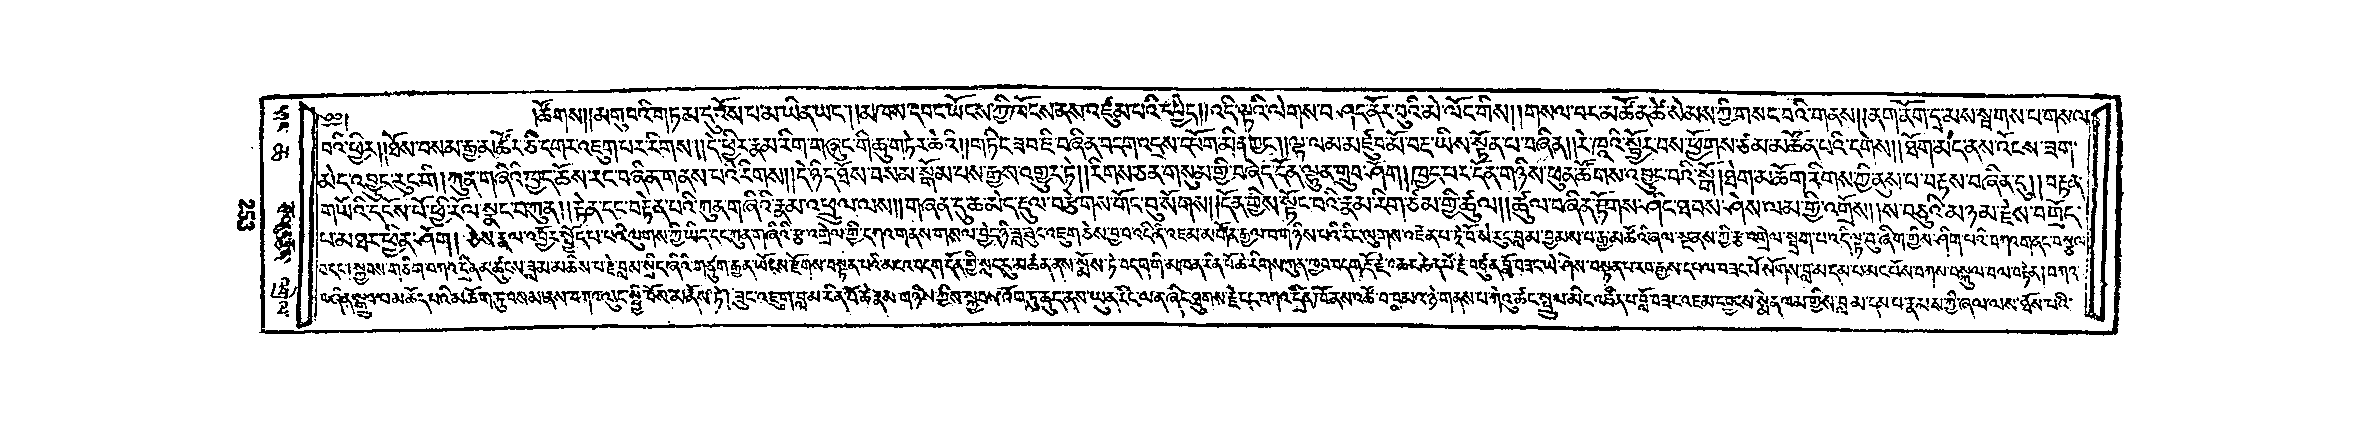༄༅། །ཚོགས། །མགུ་བའི་གཏམ་དུ་འོས་པ་མ་ཡིན་ཡང་། །མཁས་དབང་ཡོངས་ཀྱི་ཁོངས་ནས་འཛུམ་པའི་དཔྱིད། །འདི་ལྟའི་ལེགས་བཤད་ནོར་བུའི་མེ་ལོང་གིས། །གསལ་བར་མཚོན་ཚེ་སེམས་ཀྱི་གསང་བའི་གནས། །ནག་ནོག་དྲ་མས་སྦགས་པ་གསལ་
བའི་ཕྱིར། །ཐོས་བསམ་རྒྱ་མཚོར་ཅི་དགར་འཇུག་པར་རིགས། །དེ་ཕྱིར་རྣམ་རིག་གཞུང་གི་ཆུ་གཏེར་ཆེའི། །གཏིང་ཟབ་ཇི་བཞིན་བདག་འདྲས་དཔོག་མིན་ཀྱང་། །ལྷ་ལམ་མཛུབ་མོ་བརྡ་ཡིས་སྟོན་པ་བཞིན། །རེ་ཁཱའི་སྦྱོར་བས་ཕྱོགས་ཙམ་མཚོན་པའི་དགེས། །ཐོག་མེད་ནས་འོངས་ཟག་
མེད་འབྱུང་རུང་གི །ཀུན་གཞིའི་ཁྱད་ཆོས་རང་བཞིན་གནས་པའི་རིགས། །དེ་ཉིད་ཐོས་བསམ་སྒོམ་པས་རྒྱས་འགྱུར་ཏེ། །རིགས་ཅན་གསུམ་གྱི་བཞེད་དོན་ལྷུན་གྲུབ་ཤོག །ཁྱད་པར་དོན་གཉིས་ཕུན་ཚོགས་འབྱུང་བའི་སྒོ། ཐེག་མཆོག་རིགས་ཀྱི་ནུས་པ་བརྟས་བཞིན་དུ། །བརྟན་
གཡོའི་དངོས་པོ་ཕྱི་རོལ་སྣང་བ་ཀུན། །རྟེན་དང་བརྟེན་པའི་ཀུན་གཞིའི་རྣམ་འཕྲུལ་ལས། །གཞན་དུ་ཆ་མེད་རྡུལ་བརྩེགས་གོང་བུ་སོགས། །དོན་གྱིས་སྟོང་བའི་རྣམ་རིག་ཙམ་གྱི་ཚུལ། །ཚུལ་བཞིན་རྟོགས་ཤིང་ཐབས་ཤེས་ལམ་གྱི་འགྲོས། །ས་བཅུའི་མཉམ་རྗེས་བགྲོད་
པ་མཐར་ཕྱིན་ཤོག །ཅེས་རྣལ་འབྱོར་སྤྱོད་པ་པའི་ལུགས་ཀྱི་ཡིད་དང་ཀུན་གཞིའི་རྩ་འགྲེལ་གྱི་དཀའ་གནས་གསལ་བྱེད་ཉི་ཟླ་ཟུང་འཇུག་ཅེས་བྱ་བ་འདི་ནི་འཇམ་མགོན་རྒྱལ་བ་གཉིས་པའི་རིང་ལུགས་འཛིན་པ་ཏྲེ་བོ་སེ་རུང་བླ་མ་བྱམས་པ་རྒྱ་མཚོའི་ཞལ་སྔ་ནས་ཀྱི་རྩ་འགྲེལ་སྦྲག་པ་འདི་ལྟ་བུ་ཞིག་གྱིས་ཤིག་པའི་བཀའ་གནང་བསྩལ་
བ་དང་། སྐྱབས་གཅིག་བཀའ་དྲིན་མཚུངས་ཟླ་མ་མཆིས་པ་རྗེ་བླ་མ་སྲིད་ཞིའི་གཙུག་རྒྱན་ཡོངས་རྫོགས་བསྟན་པའི་མངའ་བདག་དོན་གྱི་སླད་དུ་མཚན་ནས་སྨོས་ཏེ་བདག་གི་མཁན་རིན་པོ་ཆེ་རིགས་ཀུན་ཁྱབ་བདག་རྡོ་རྗེ་འཆང་ཆེན་པོ་རྗེ་བཙུན་བློ་བཟང་ཡེ་ཤེས་བསྟན་པ་རབ་རྒྱས་དཔལ་བཟང་པོ་སོགས་བླ་མ་དམ་པ་མང་པོས་བཀས་བསྐུལ་བ་ལ་བརྟེན། བཀའ་
བཞིན་སྒྲུབ་པ་མཆོད་པའི་མཆོག་ཏུ་བསམ་ནས་བཀའ་ལུང་སྤྱི་བོས་མ་ནོས་ཏེ། ཟུང་འཇུག་བླ་མ་རིན་པོ་ཆེ་རྣམ་གཉིས་ཀྱིས་སྐྱབས་འོག་ཏུ་ཆུད་ནས་ཡུན་རིང་ལན་ཞིང་ཐུགས་རྗེ་དང་བཀའ་དྲིན་ཁོ་ནས་འཚོ་བ་བླ་མའ་ཉེ་གནས་པ་ཀེའུ་ཚང་སྤྲུལ་མིང་འཛིན་པ་བློ་བཟང་འཇམ་དབྱངས་སྨེན་ལམ་གྱིས་བླ་མ་དམ་པ་རྣམས་ཀྱི་ཞལ་ལས་ཐོས་པའི་